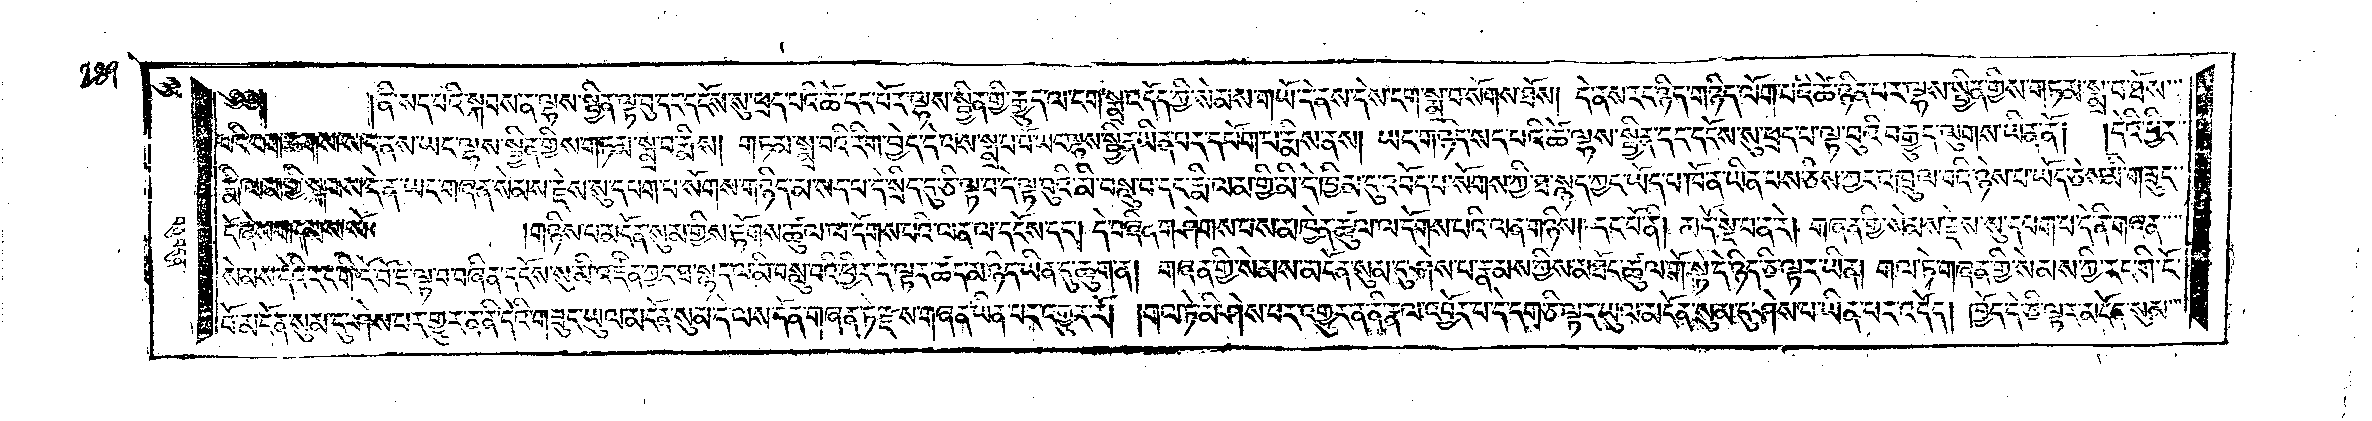༄༅། །ནི་སད་པའི་སྐབས་ན་ལྷས་སྦྱིན་ལྟ་བུ་དང་དངོས་སུ་ཕྲད་པའི་ཚེ་དང་པོར་ལྷས་སྦྱིན་གྱི་རྒྱུད་ལ་ངག་སྨྲ་འདོད་ཀྱི་སེམས་གཡོ་དེ་ནས་དེས་ངག་སྨྲ་བ་སོགས་ཐོས། དེ་ནས་རང་ཉིད་གཉིད་ལོག་པའི་ཚེ་ཉིན་པར་ལྷས་སྦྱིན་གྱིས་གཏམ་སྨྲ་བ་ཐོས་
པའི་བག་ཆགས་སད་ནས་ཡང་ལྷས་སྦྱིན་གྱིས་གཏམ་སྨྲ་བ་རྨིས། གཏམ་སྨྲ་བའི་རིག་བྱེད་དེ་ལས་སྨྲ་བ་པོ་ཡང་ལྷས་སྦྱིན་ཡིན་པར་དཔོག་པ་རྨིས་ནས། ཡང་གཉིད་སད་པའི་ཚེ་ལྷས་སྦྱིན་དང་དངོས་སུ་ཕྲད་པ་ལྟ་བུའི་བརྒྱུད་ལུགས་ཡིན་ནོ། །དེའི་ཕྱིར་
རྨི་ལམ་གྱི་སྐབས་དེ་ན་ཡང་གཞན་སེམས་རྗེས་སུ་དཔག་པ་སོགས་གཉིད་མ་སད་པ་དེ་སྲིད་དུ་ཅི་ལྟ་བ་དེ་ལྟ་བུའི་མི་བསླུ་བ་དང་རྨི་ལམ་གྱི་མི་དེ་ཁྱིམ་དུ་འབོད་པ་སོགས་ཀྱི་ཐ་སྙད་ཀྱང་ཡོད་པ་ཁོ་ན་ཡིན་པས་ཅིས་ཀྱང་འཁྲུལ་བའི་ཉེས་པ་ཡོད་ཅེས་མི་གཟུང་
ངོ་ཞེས་གདམས་སོ། །གཉིས་པ་མངོན་སུམ་གྱིས་རྟོགས་ཚུལ་ལ་དོགས་པའི་ལན་ལ་དངོས་དང་། དེ་བཞིན་གཤེགས་པས་མཁྱེན་ཚུལ་ལ་དོགས་པའི་ལན་གཉིས། དང་པོ་ནི། མདོ་སྡེ་པ་ན་རེ། གཞན་གྱི་སེམས་རྗེས་སུ་དཔག་པ་དེ་ནི་གཞན་
སེམས་དེའི་རང་གི་ངོ་བོ་ཇི་ལྟ་བ་བཞིན་དངོས་སུ་མི་འཛིན་ཀྱང་ཐ་སྙད་ལ་མི་བསླུ་བའི་ཕྱིར་དེ་ལྟར་ཚད་མ་ཉིད་ཡིན་དུ་ཆུག་ན། གཞན་གྱི་སེམས་མངོན་སུམ་དུ་ཤེས་པ་རྣམས་ཀྱིས་མཐོང་ཚུལ་གོ་སྟེ་དེ་ཉིད་ཅི་ལྟར་ཡིན། གལ་ཏེ་གཞན་གྱི་སེམས་ཀྱི་རང་གི་ངོ་
བོ་མངོན་སུམ་དུ་ཤེས་པར་གྱུར་ན་ནི་དེའི་གཟུང་ཡུལ་མངོན་སུམ་དེ་ལས་དོན་གཞན་ཏེ་རྫས་གཞན་ཡིན་པར་འགྱུར་རོ། །གལ་ཏེ་མི་ཤེས་པར་འགྱུར་ན་ནི་རྣལ་འབྱོར་པ་དེ་དག་ཅི་ལྟར་ཡུལ་མངོན་སུམ་དུ་ཤེས་པ་ཡིན་པར་འདོད། ཁྱོད་དེ་ཅི་ལྟར་མངོན་སུམ་